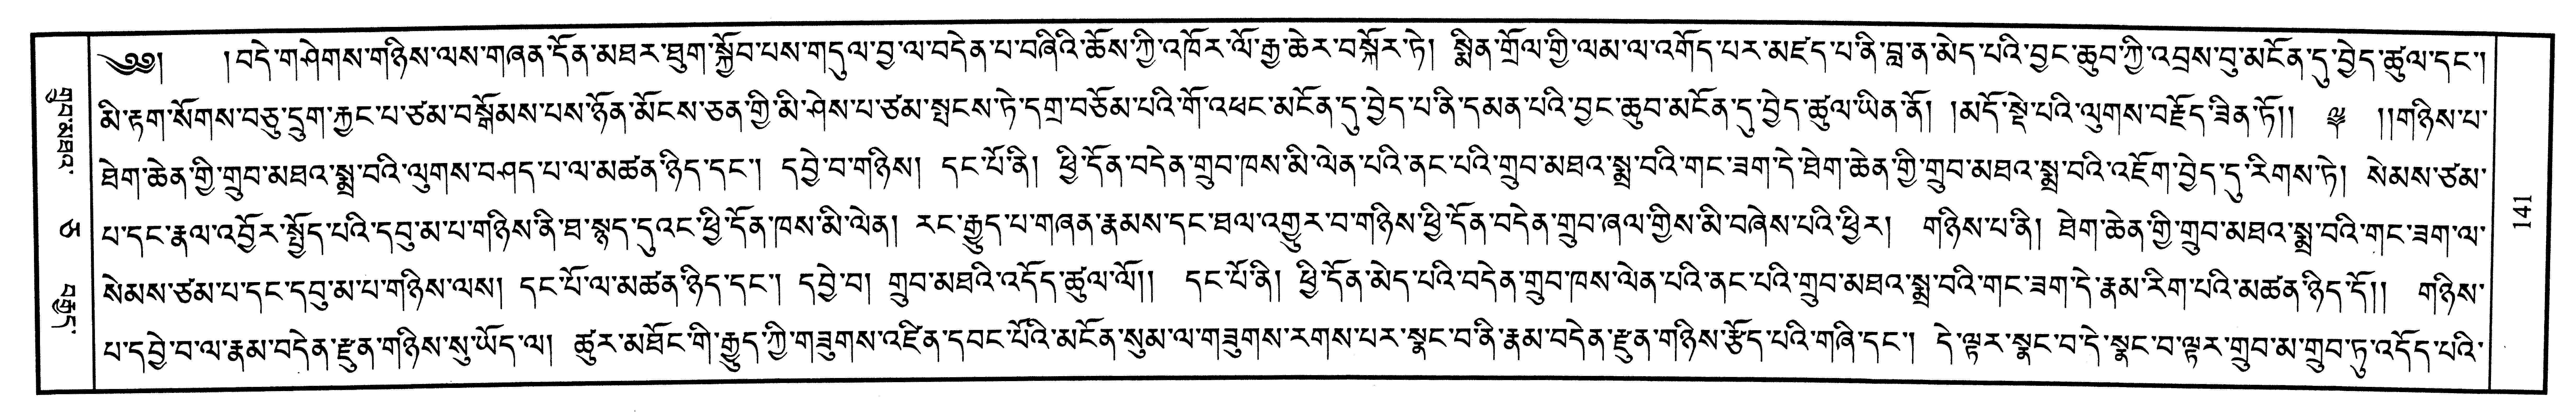༄༅། །བདེ་གཤེགས་གཉིས་ལས་གཞན་དོན་མཐར་ཐུག་སྐྱོབ་པས་གདུལ་བྱ་ལ་བདེན་པ་བཞིའི་ཆོས་ཀྱི་འཁོར་ལོ་རྒྱ་ཆེར་བསྐོར་ཏེ། སྨིན་གྲོལ་གྱི་ལམ་ལ་འགོད་པར་མཛད་པ་ནི་བླ་ན་མེད་པའི་བྱང་ཆུབ་ཀྱི་འབྲས་བུ་མངོན་དུ་བྱེད་ཚུལ་དང་།
མི་རྟག་སོགས་བཅུ་དྲུག་རྐྱང་པ་ཙམ་བསྒོམས་པས་ཉོན་མོངས་ཅན་གྱི་མི་ཤེས་པ་ཙམ་སྤངས་ཏེ་དགྲ་བཅོམ་པའི་གོ་འཕང་མངོན་དུ་བྱེད་པ་ནི་དམན་པའི་བྱང་ཆུབ་མངོན་དུ་བྱེད་ཚུལ་ཡིན་ནོ། །མདོ་སྡེ་པའི་ལུགས་བརྗོད་ཟིན་ཏོ།། ༈ །།གཉིས་པ་
ཐེག་ཆེན་གྱི་གྲུབ་མཐའ་སྨྲ་བའི་ལུགས་བཤད་པ་ལ་མཚན་ཉིད་དང་། དབྱེ་བ་གཉིས། དང་པོ་ནི། ཕྱི་དོན་བདེན་གྲུབ་ཁས་མི་ལེན་པའི་ནང་པའི་གྲུབ་མཐའ་སྨྲ་བའི་གང་ཟག་དེ་ཐེག་ཆེན་གྱི་གྲུབ་མཐའ་སྨྲ་བའི་འཇོག་བྱེད་དུ་རིགས་ཏེ། སེམས་ཙམ་
པ་དང་རྣལ་འབྱོར་སྤྱོད་པའི་དབུ་མ་པ་གཉིས་ནི་ཐ་སྙད་དུའང་ཕྱི་དོན་ཁས་མི་ལེན། རང་རྒྱུད་པ་གཞན་རྣམས་དང་ཐལ་འགྱུར་བ་གཉིས་ཕྱི་དོན་བདེན་གྲུབ་ཞལ་གྱིས་མི་བཞེས་པའི་ཕྱིར། གཉིས་པ་ནི། ཐེག་ཆེན་གྱི་གྲུབ་མཐའ་སྨྲ་བའི་གང་ཟག་ལ་
སེམས་ཙམ་པ་དང་དབུ་མ་པ་གཉིས་ལས། དང་པོ་ལ་མཚན་ཉིད་དང་། དབྱེ་བ། གྲུབ་མཐའི་འདོད་ཚུལ་ལོ།། དང་པོ་ནི། ཕྱི་དོན་མེད་པའི་བདེན་གྲུབ་ཁས་ལེན་པའི་ནང་པའི་གྲུབ་མཐའ་སྨྲ་བའི་གང་ཟག་དེ་རྣམ་རིག་པའི་མཚན་ཉིད་དོ།། གཉིས་
པ་དབྱེ་བ་ལ་རྣམ་བདེན་རྫུན་གཉིས་སུ་ཡོད་ལ། ཚུར་མཐོང་གི་རྒྱུད་ཀྱི་གཟུགས་འཛིན་དབང་པོའི་མངོན་སུམ་ལ་གཟུགས་རགས་པར་སྣང་བ་ནི་རྣམ་བདེན་རྫུན་གཉིས་རྩོད་པའི་གཞི་དང་། དེ་ལྟར་སྣང་བ་དེ་སྣང་བ་ལྟར་གྲུབ་མ་གྲུབ་ཏུ་འདོད་པའི་